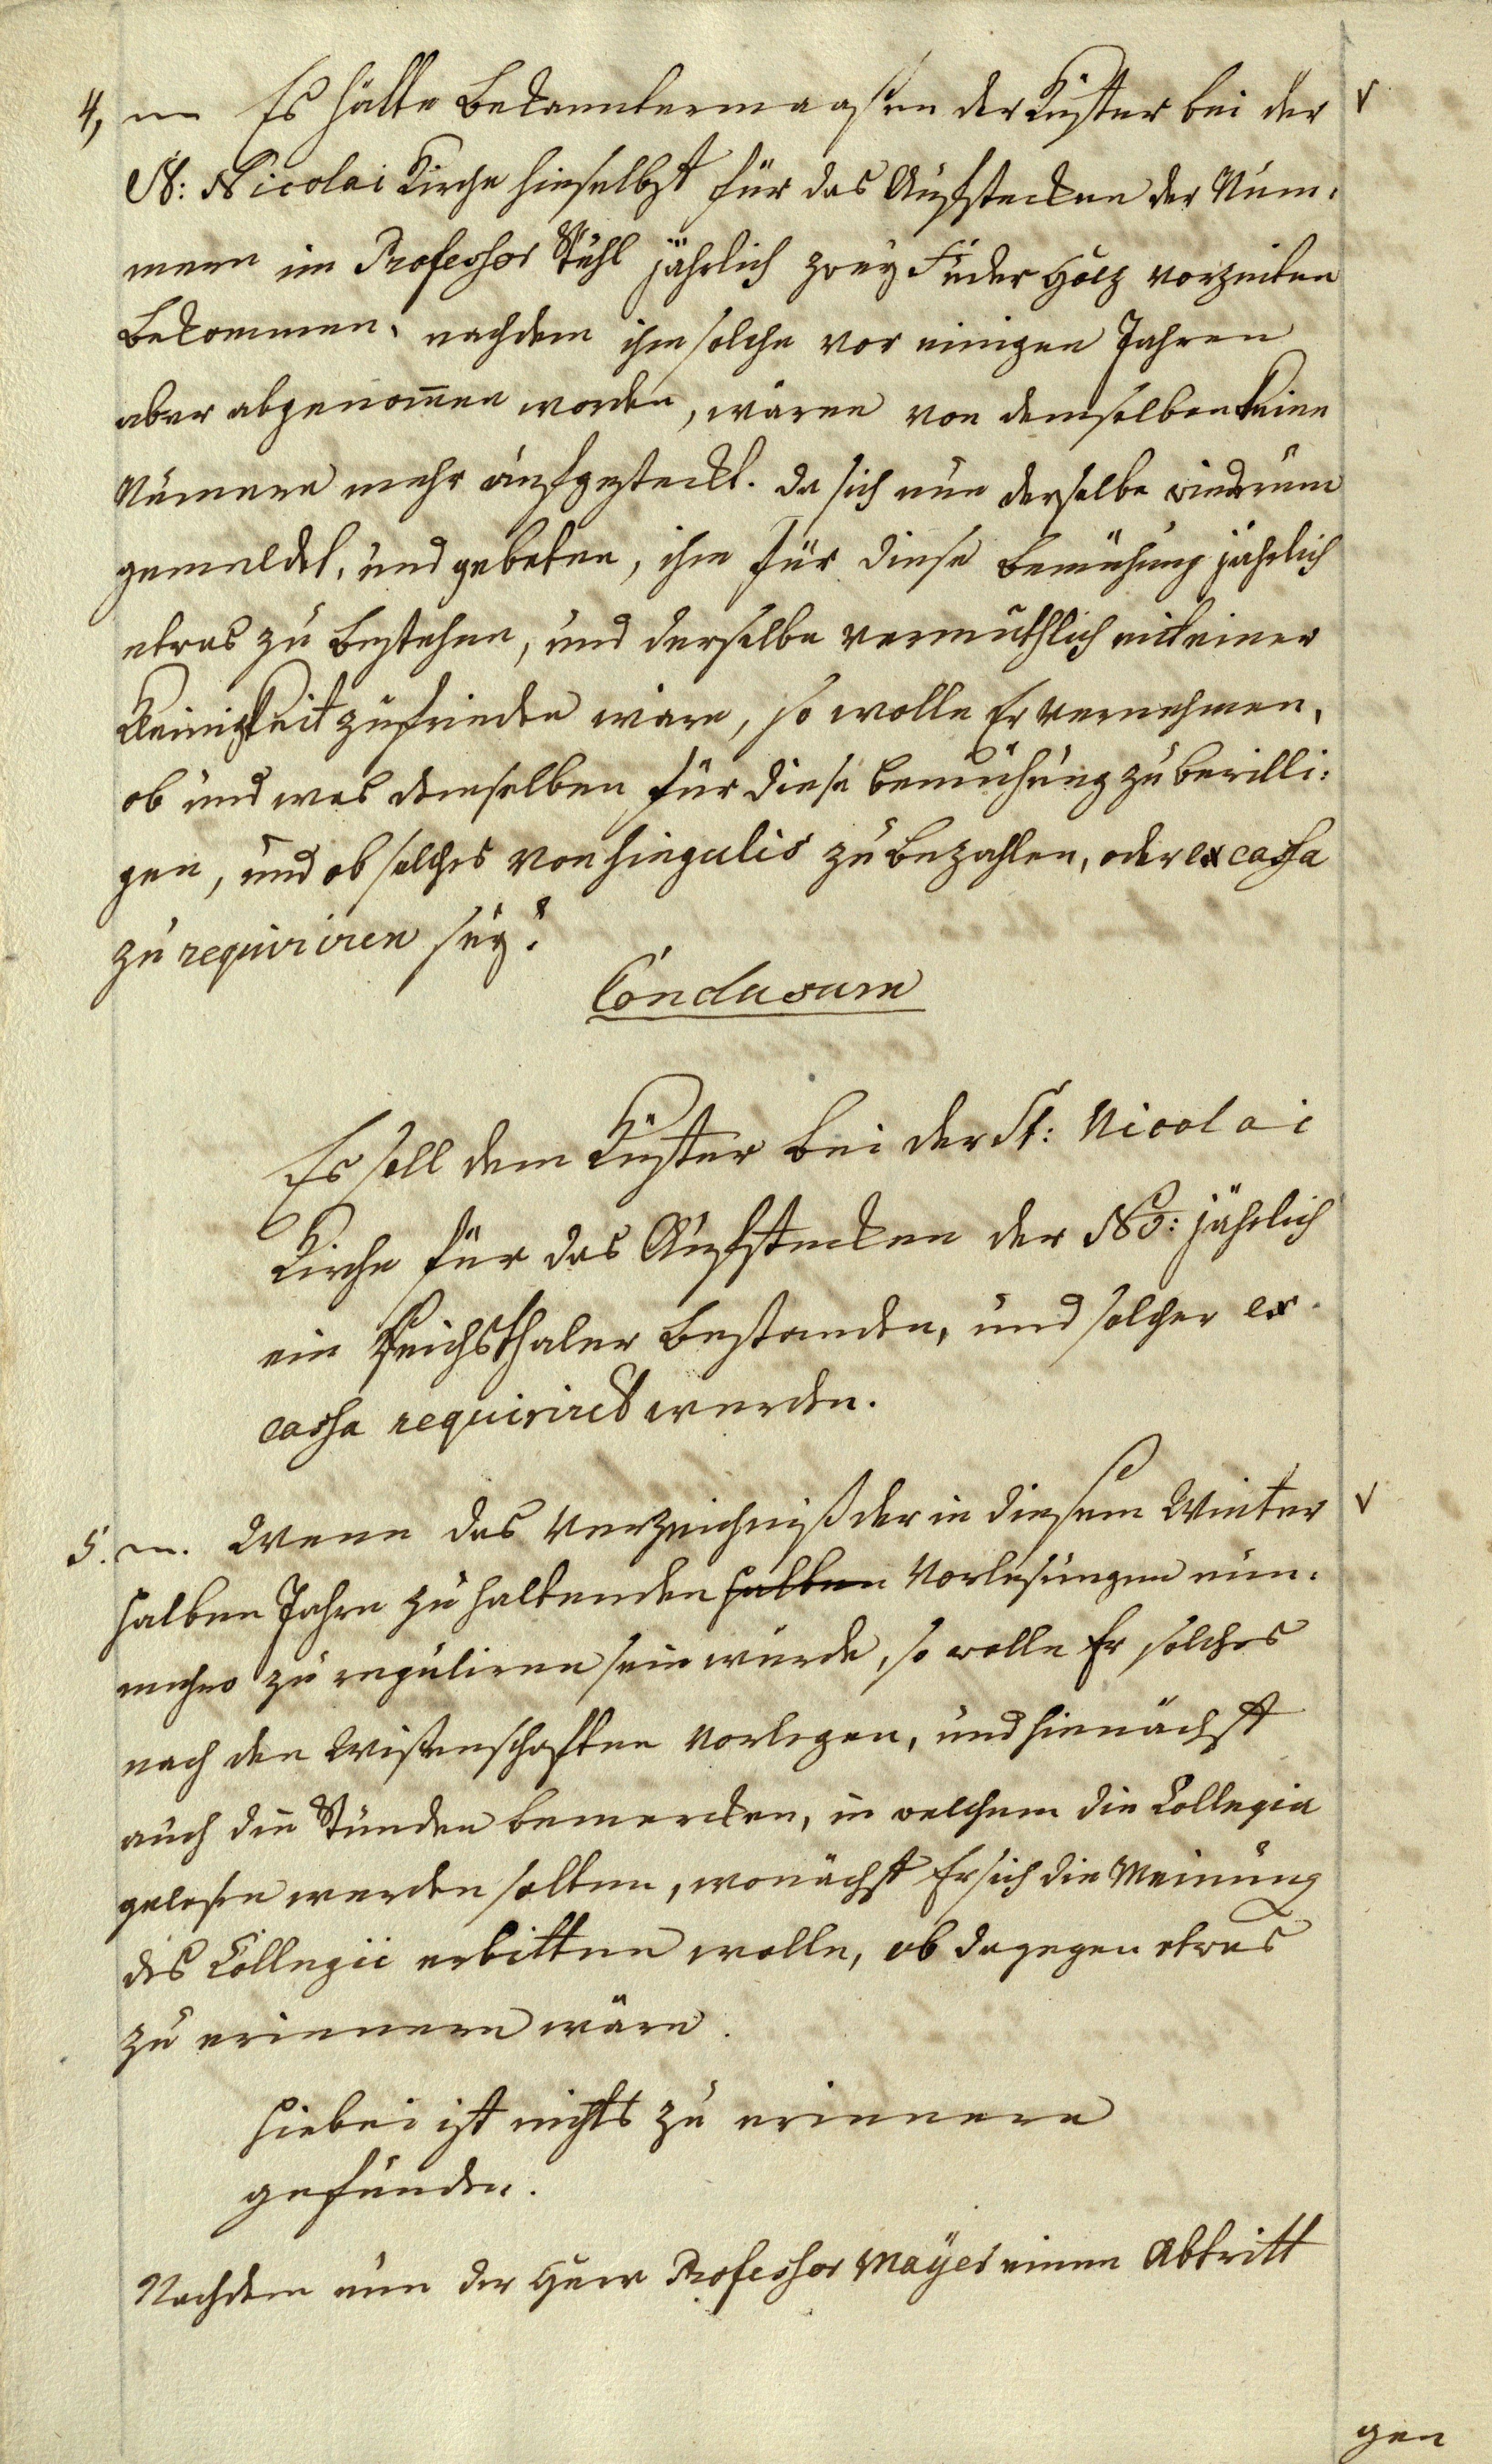4, es hätte bekanntermaaßen der Küster bei der
St. Nicolai Kirche hieselbst für das Aufstecken der Num¬
mern im Professor Stuhl jährlich zweÿ Fuder Holz vorzeiten
bekommen. nachdem ihm solche vor einigen Jahren
aber abgenomen worden, wäre von demselben keine
Numern mehr aufgesteckt. da sich nun derselbe wiederum
gemeldet, und gebeten, ihm für diese Bemühung jährlich
etwas zu bestehen, und derselbe vermuthlich mit einer
Kleinigkeit zufrieden wäre, so wolle Er vernehmen,
ob und was demselben für diese Bemühunh zu bewilli¬
gen, und ob solches von singulis zu bezahlen, oder ex cassa
zu requiriren seÿ!
Conclusum
Es soll dem Küster bei der St. Nicolai
Kirche für sa Aufstecken der No. jährlich
ein Reichsthaler bestanden, und solcher ex
cassa requiriret werden.
5. Wenn das Verzeichniß der in diesem Winter
halben Jahre zu haltenden halten Vorlesungen nun¬
mehro zu reguliren sein würde, so wolle Er solches
nach den Wißenschaften vorlegen, und hienächst
auch die Stunden bemercken, in welchem die Collegia
gelesen werden solten, wonächst Er sich die Meinung
des Collegii erbitten wolle, ob dagegen etwas
zu erinnern wäre.
hiebei ist nichts zu erinnern
gefunden.
nachdem nun der Herr Professor Maÿer einen Abtritt